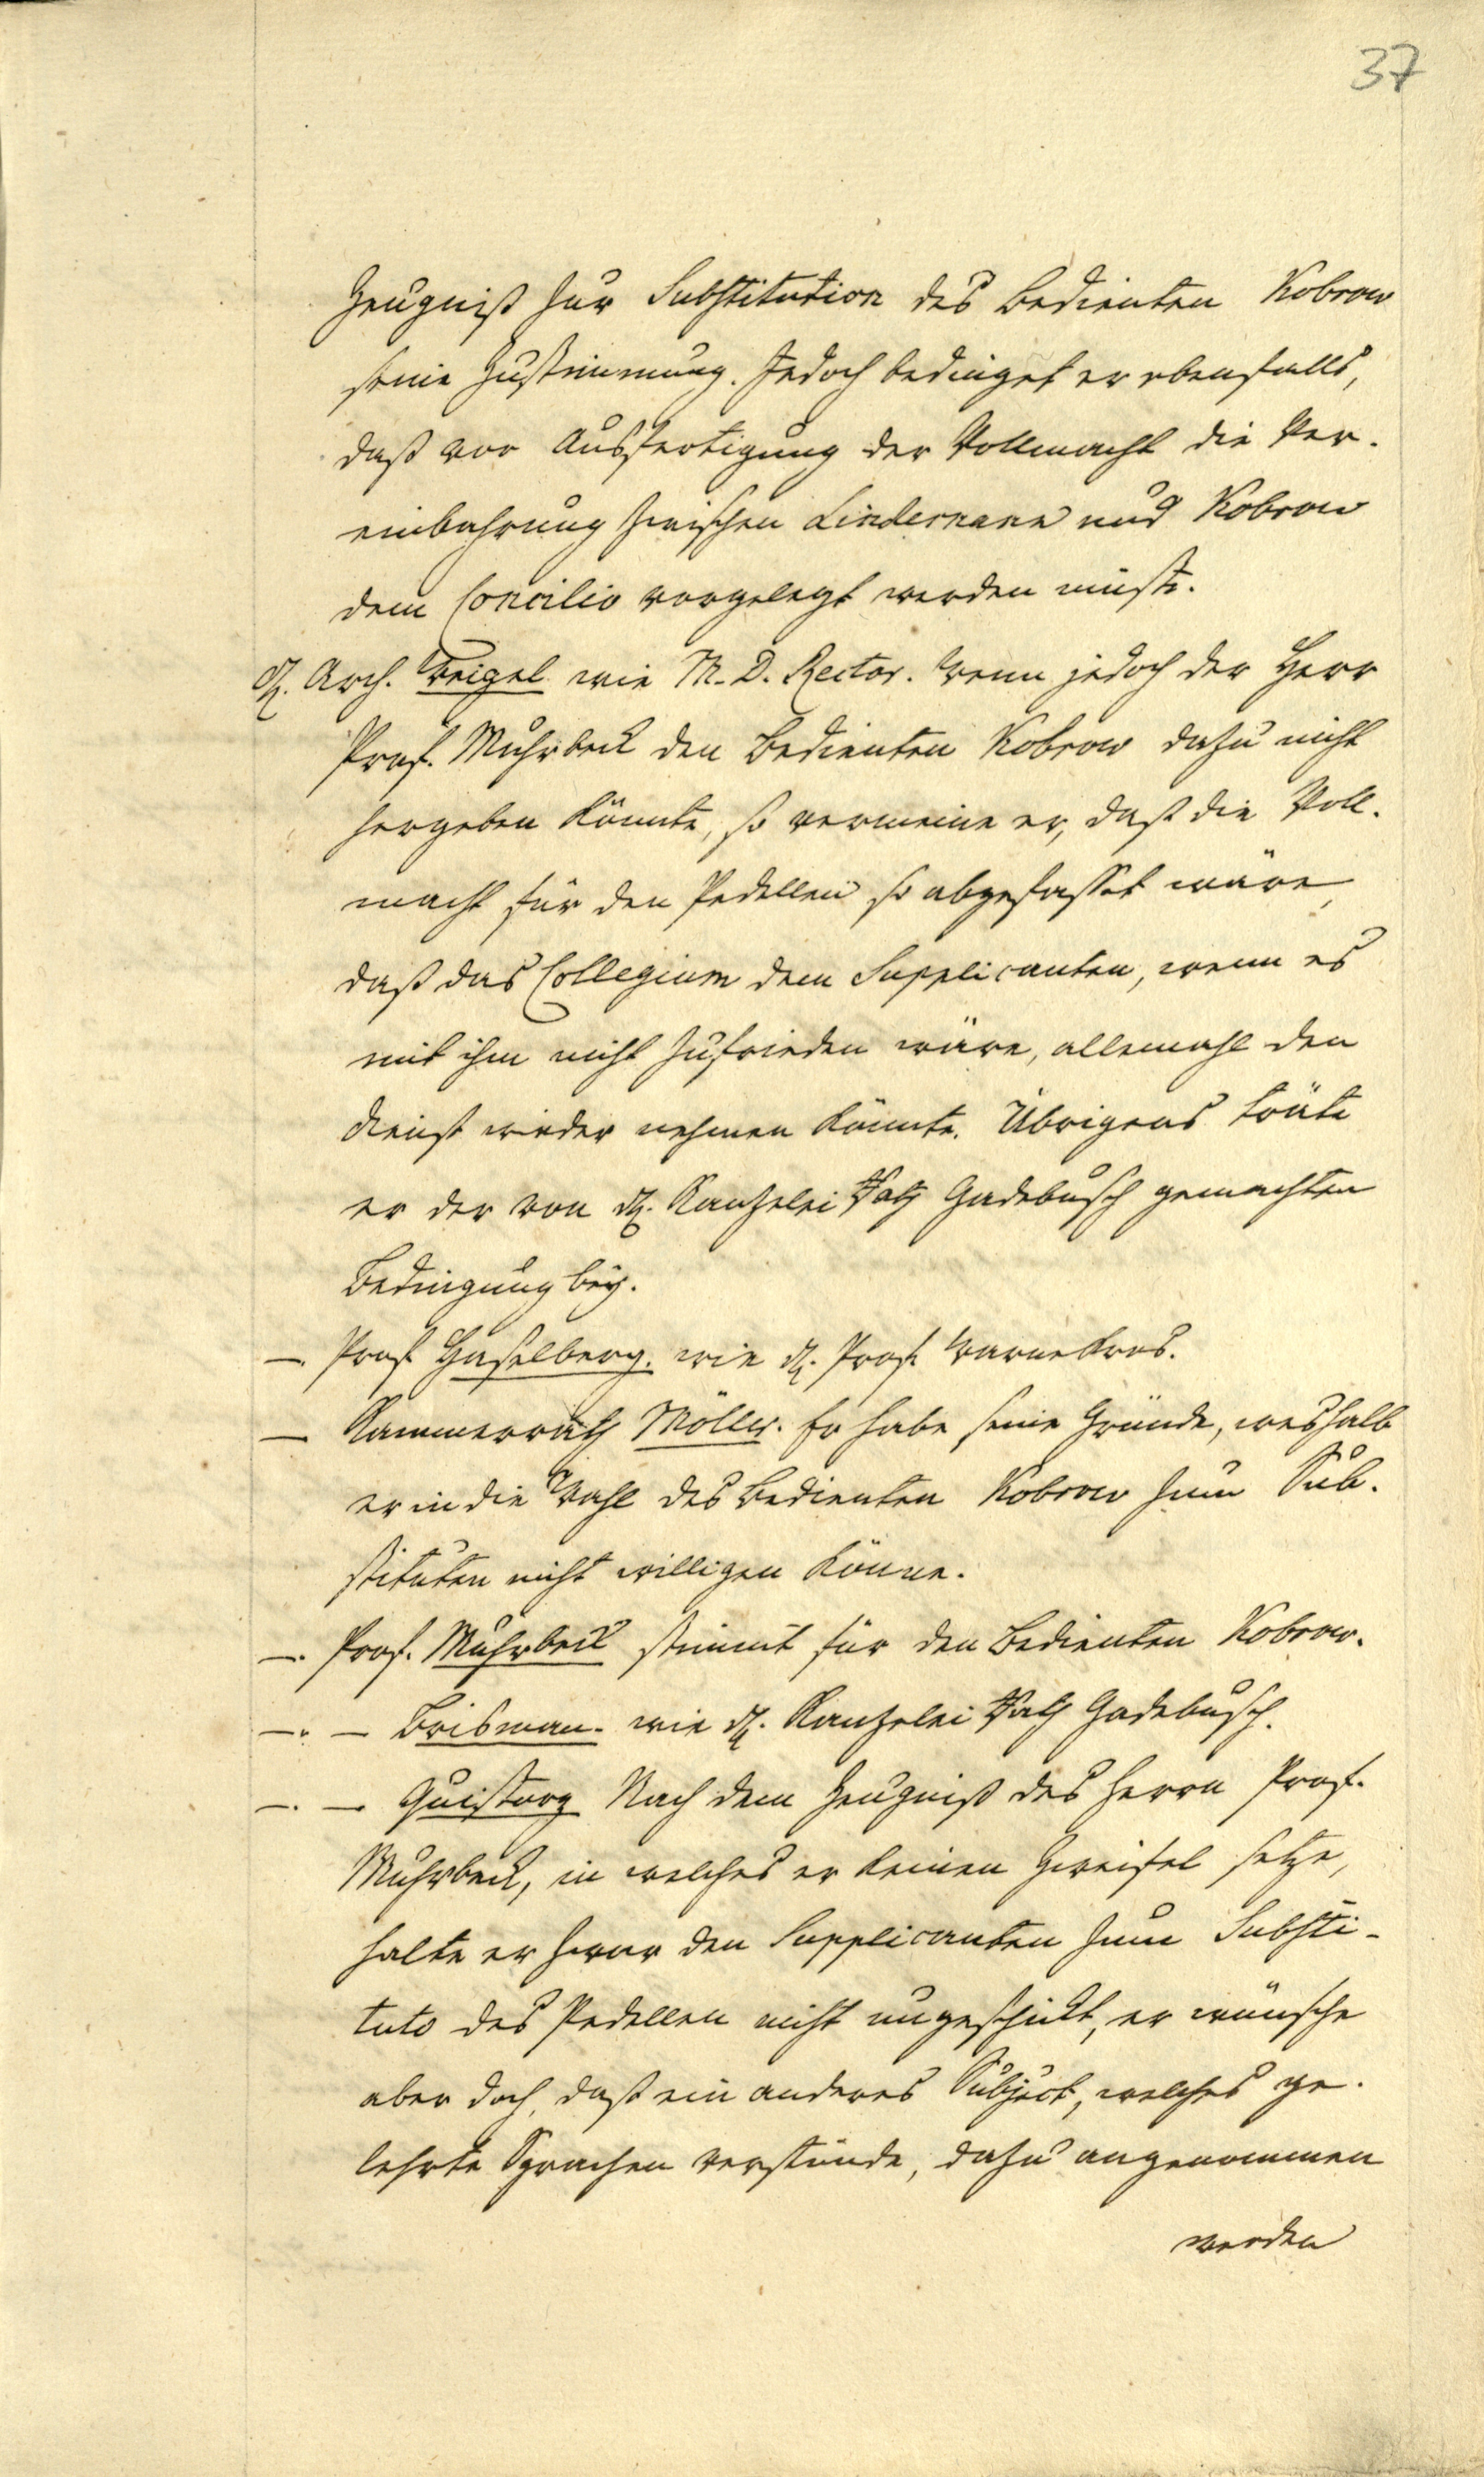Zeugniß zur Substitution des Bedienten Kobrow
seine Zustimmung. Jedoch bedinget er ebenfalls,
daß vor Ausfertigung der Vollmacht die Ver¬
einbahrung zwischen Lindemann und Kobrow
dem Concilio vorgelegt werden müßte.
dh. Arch. Weigel, wie M. D. Rector. Wenn jedoch der Herr
Prof. Muhrbeck den Bedienten Kobrow dazu nicht
hergeben könnte, so vermeine er, daß die Voll¬
macht für den Pedellen so abgefasset wäre,
daß das Collegium dem Supplicanten, wenn es
mit ihm nicht zufrieden wäre, allemahl den
Dienst wieder nehmen könnte. Übrigens träte
er der von dh. Kanzelei Rath Gadebusch gemachten
Bedingung beÿ.
Prof. Haselberg. wie dh. Prof. Warnekros.
Kammerrath Möller. Er habe seine Gründe, weshalb
er in die Wahl des Bedienten Kobrow zum Sub¬
stituten nicht willigen könne.
Prof. Muhrbeck stimmt für den Bedienten Kobrow.
Brismann wie dh. Kanzelei Rath Gadebusch.
Quistorp Nach dem Zeugniß des Herrn Prof.
Muhrbeck, in welches er keinen Zweifel setze,
halte er zwar den Supplicanten zum Substi¬
tuto des Pedellen nicht ungeschickt, er wünsche
aber doch, daß ein anderes Subject, welches ge
lehrte Sprachen verstünde, dazu angenommen
werden